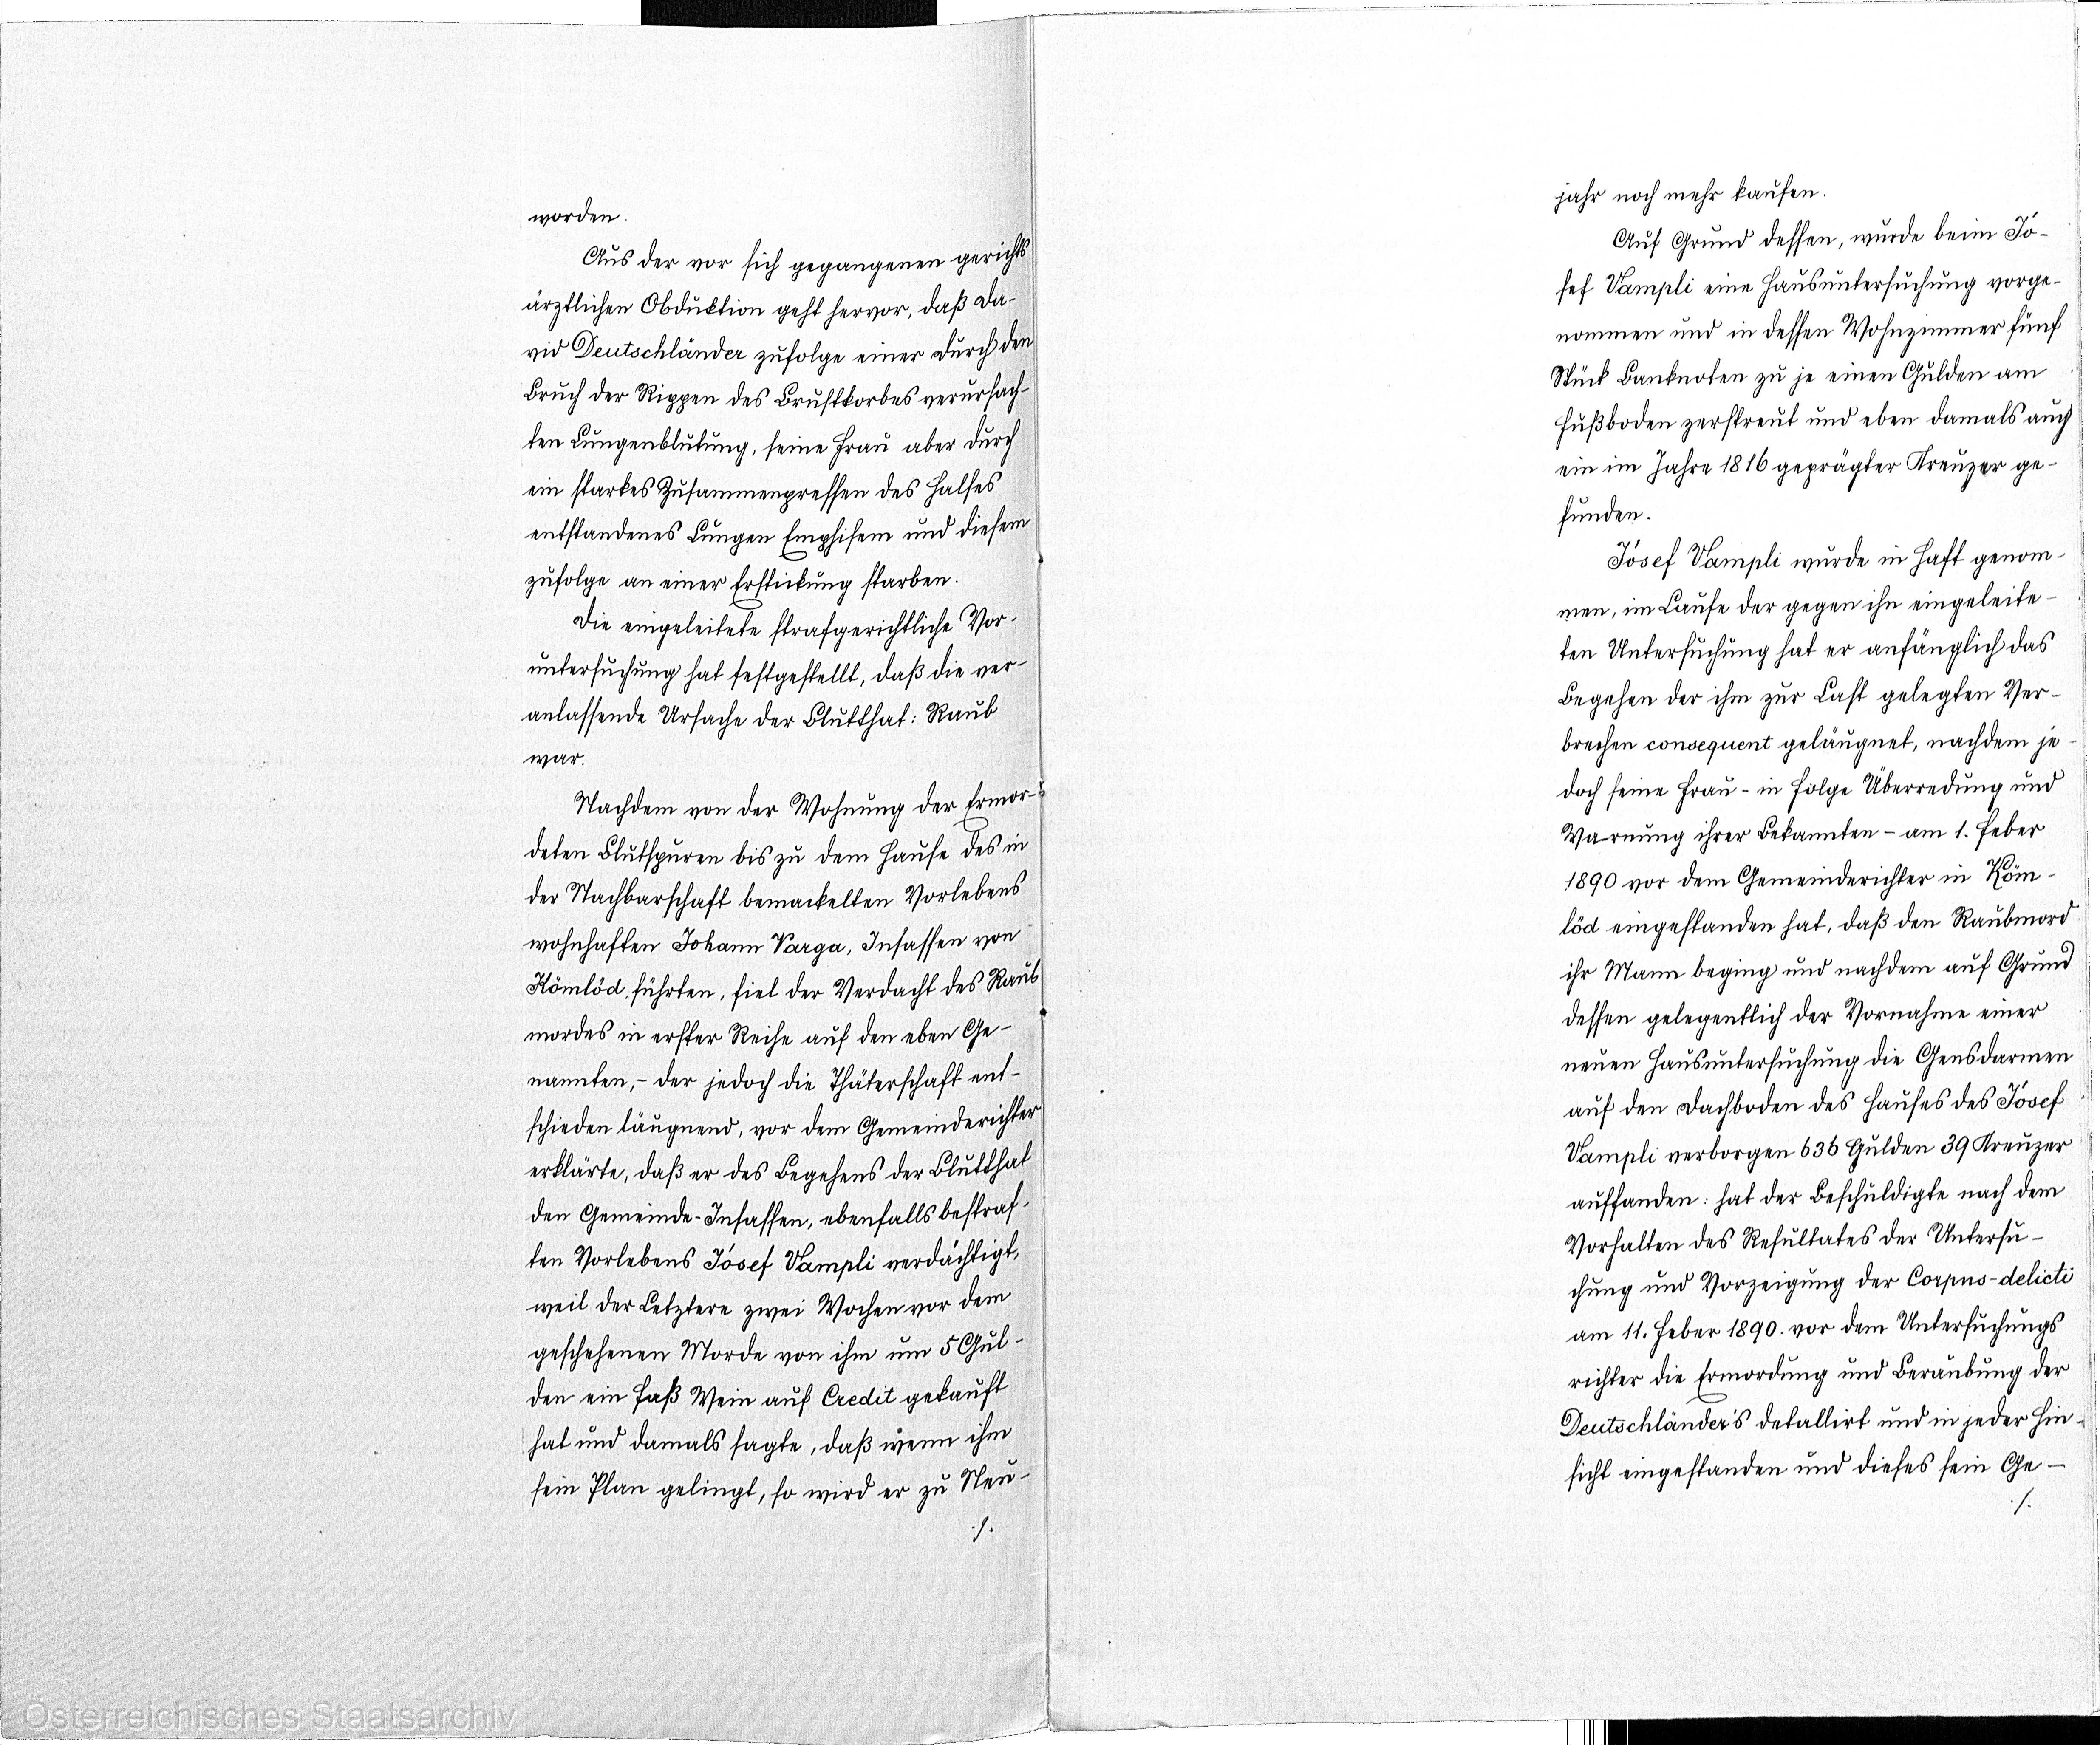worden.
Aus der vor sich gegangenen gerichts¬
ärztlichen Obduktion geht hervor, daß Da¬
vid Deutschländer zufolge einer durch den
Bruch der Rippen des Brustkorbes verursach¬
ten Lungenblutung, seine Frau aber durch
ein starkes Zusammenpressen des Halses
entstandenes Lungen Emphisem und Diesem
zufolge an einer Erstickung starben.
Die eingeleitete strafgerichtliche Vor¬
untersuchung hat festgestellt, daß die ver¬
anlassende Ursache der Blutthat: Raub
war.
Nachdem von der Wohnung der Ermor¬
deten Blutspuren bis zu dem Hause des in
der Nachbarschaft bemackelten Vorlebens
wohnhafter Johann Varga, Insassen von
Kőmlőd führten, fiel der Verdacht des Raub¬
mordes in erster Reihe auf den eben ge¬
nannten, – der jedoch die Thäterschaft ent¬
schieden läugnend, vor dem Gemeinderichter
erklärte, daß er das Begehens der Blutthat
den Gemeinde-Insassen, ebenfalls bestraf¬
ten Vorlebens Jósef Vampli verdächtigt,
weil der Letztere zwei Wochen vor dem
geschehenen Morde von ihm um 5 Gul¬
den ein Faß Wein auf Credit gekauft
hat und damals sagte, daß wenn ihm
sein Plan gelingt, so wird er zu Neu¬
jahr noch mehr kaufen.
Auf Grund dessen, wurde beim Jó¬
sef Vampli eine Hausuntersuchung vorge¬
nommen und in dessen Wohnzimmer fünf
Stück Banknoten zu je einen Gulden am
Fußboden zerstreut und eben damals auch
ein im Jahre 1816 geprägter Kreuzer ge¬
funden.
Jósef Vampli wurde in Haft genom¬
men, in Laufe der gegen ihn eingeleite¬
ten Untersuchung hat er anfänglich das
Begehen der ihm zur Last gelegten Ver¬
brechen consequent geläugnet, nachdem je¬
doch seine Frau – in Folge Überredung und
Warnung ihrer Bekannten – am 1. Feber
1890 vor dem Gemeinderichter in Kőm¬
lőd eingestanden hat, daß den Raubmord
ihr Mann beging und nachdem auf Grund
dessen gelegentlich der Vornahme einer
neuen Hausuntersuchung die Gensdarmen
auf den Dachboden des Hauses des Jósef
Vampli verborgen 636 Gulden 39 Kreuzer
auffanden: hat der Beschuldigte nach dem
Vorhalten des Resultates der Untersu¬
chung und Vorzeigung der Corpus-delicti
am 11. Feber 1890 vor dem Untersuchungs¬
richter die Ermordung und Beraubung der
Deutschländer’s datallirt und in jeder Hin¬
sicht eingestanden und dieses sein Ge¬